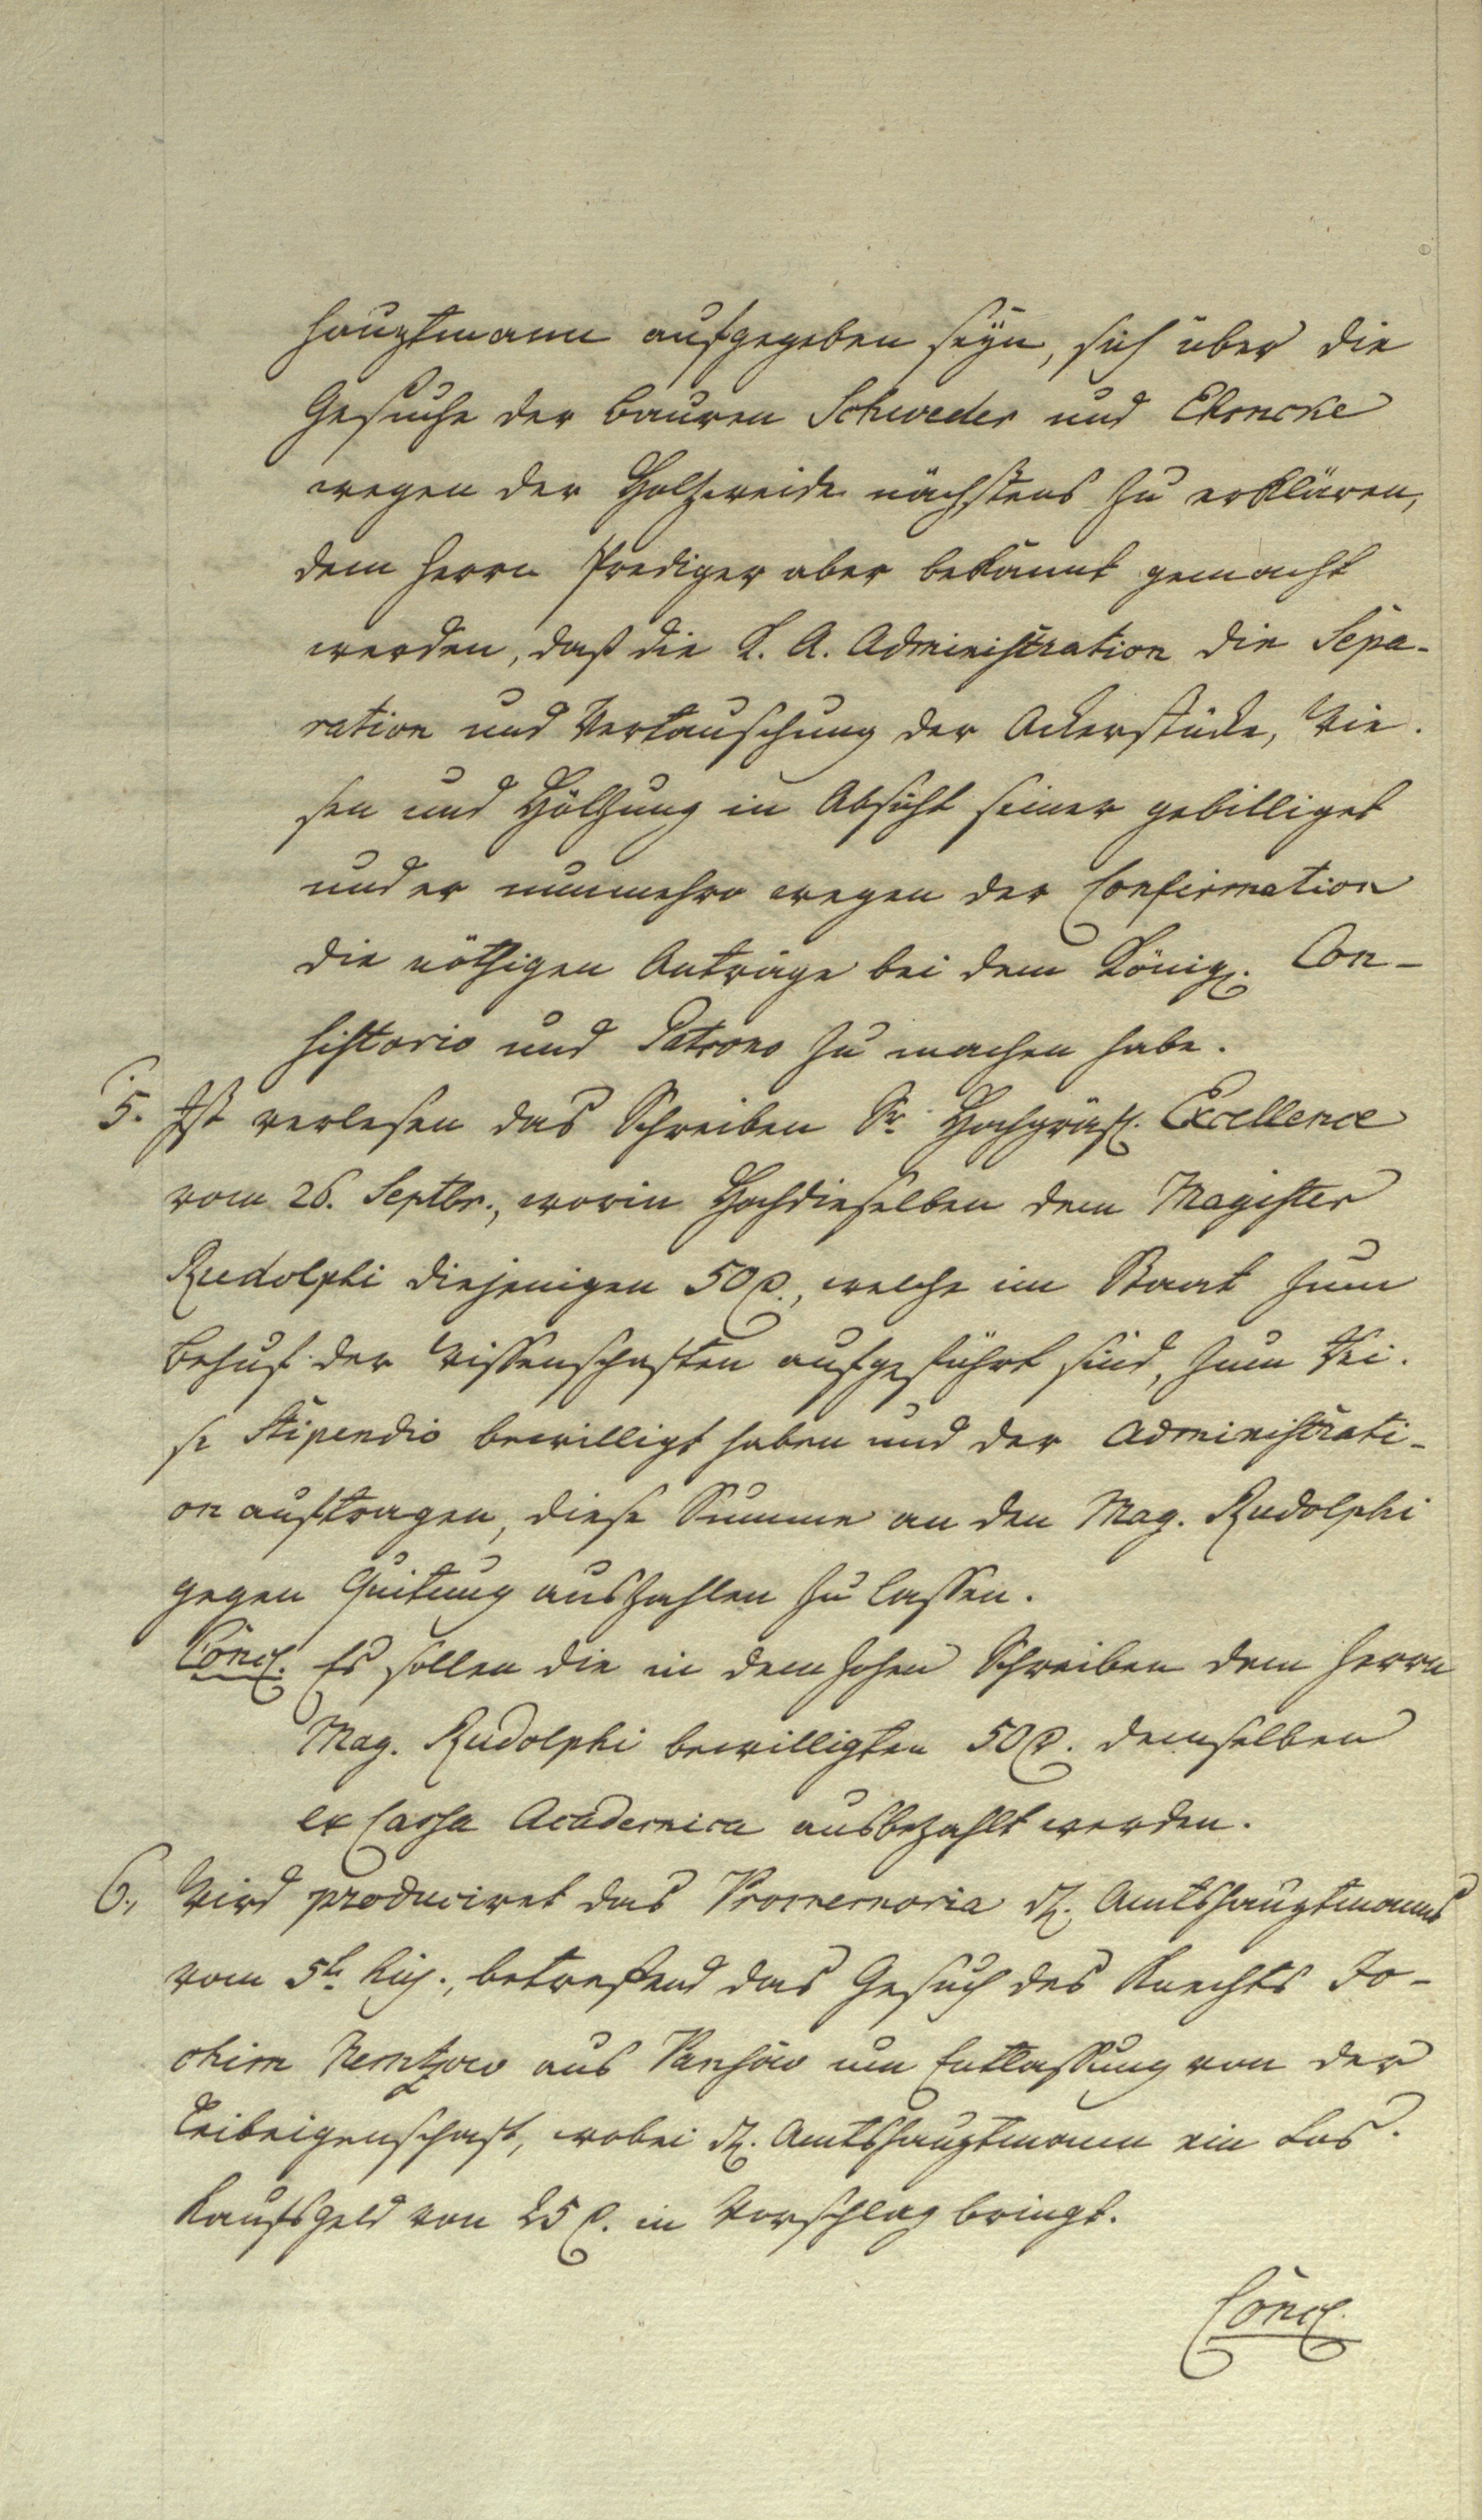hauptmann aufgegeben seÿn, sich über die
Gesuche der Bauren Schweder und Ehmcke
wegen der Holzweide nächstens zu erklären,
dem Herrn Prediger aber bekannt gemacht
werden, daß die K. A. Administration die Sepa¬
ration und Vertauschung der Ackerstücke, Wie¬
sen und Hölzung in Absicht seiner gebilliget
und er nunmehro wegen der Confirmation
die nöthigen Anträge bei dem Königl. Con¬
sistorio und Patrono zu machen habe.
5. Ist verlesen das Schreiben Sr Hochgräfl. Excellence
vom 26. Septbr., worin Hochdieselben dem Magister
Rudolphi diejenigen 50 l. welche im Staat zum
Behuf der Wissenschaften aufgeführt sind, zum Rei¬
se Stipendio bewilligt haben und der Adminserati¬
on auftragen, diese Summe an den Mag. Rudolphi
gegen Quitung auszahlen zu lassen.
Concl. Es sollen die in dem hohen Schreiben dem Herrn
Mag. Rudolphi bewilligten 50 l. demselben
ex Cassa Academica ausbezahlt werden.
6. Wird produciret das Promemoria dh. Amtshauptmanns
vom 5 te. huj. betreffend das Gesuch des Knechts Jo¬
chim Nemtzow aus Pansow um Entlassung von der
Leibeigenschaft, wobei dh. Amtshauptmann ein Los¬
kaufsgeld von 25 l. in Vorschlag bringt.
Concl